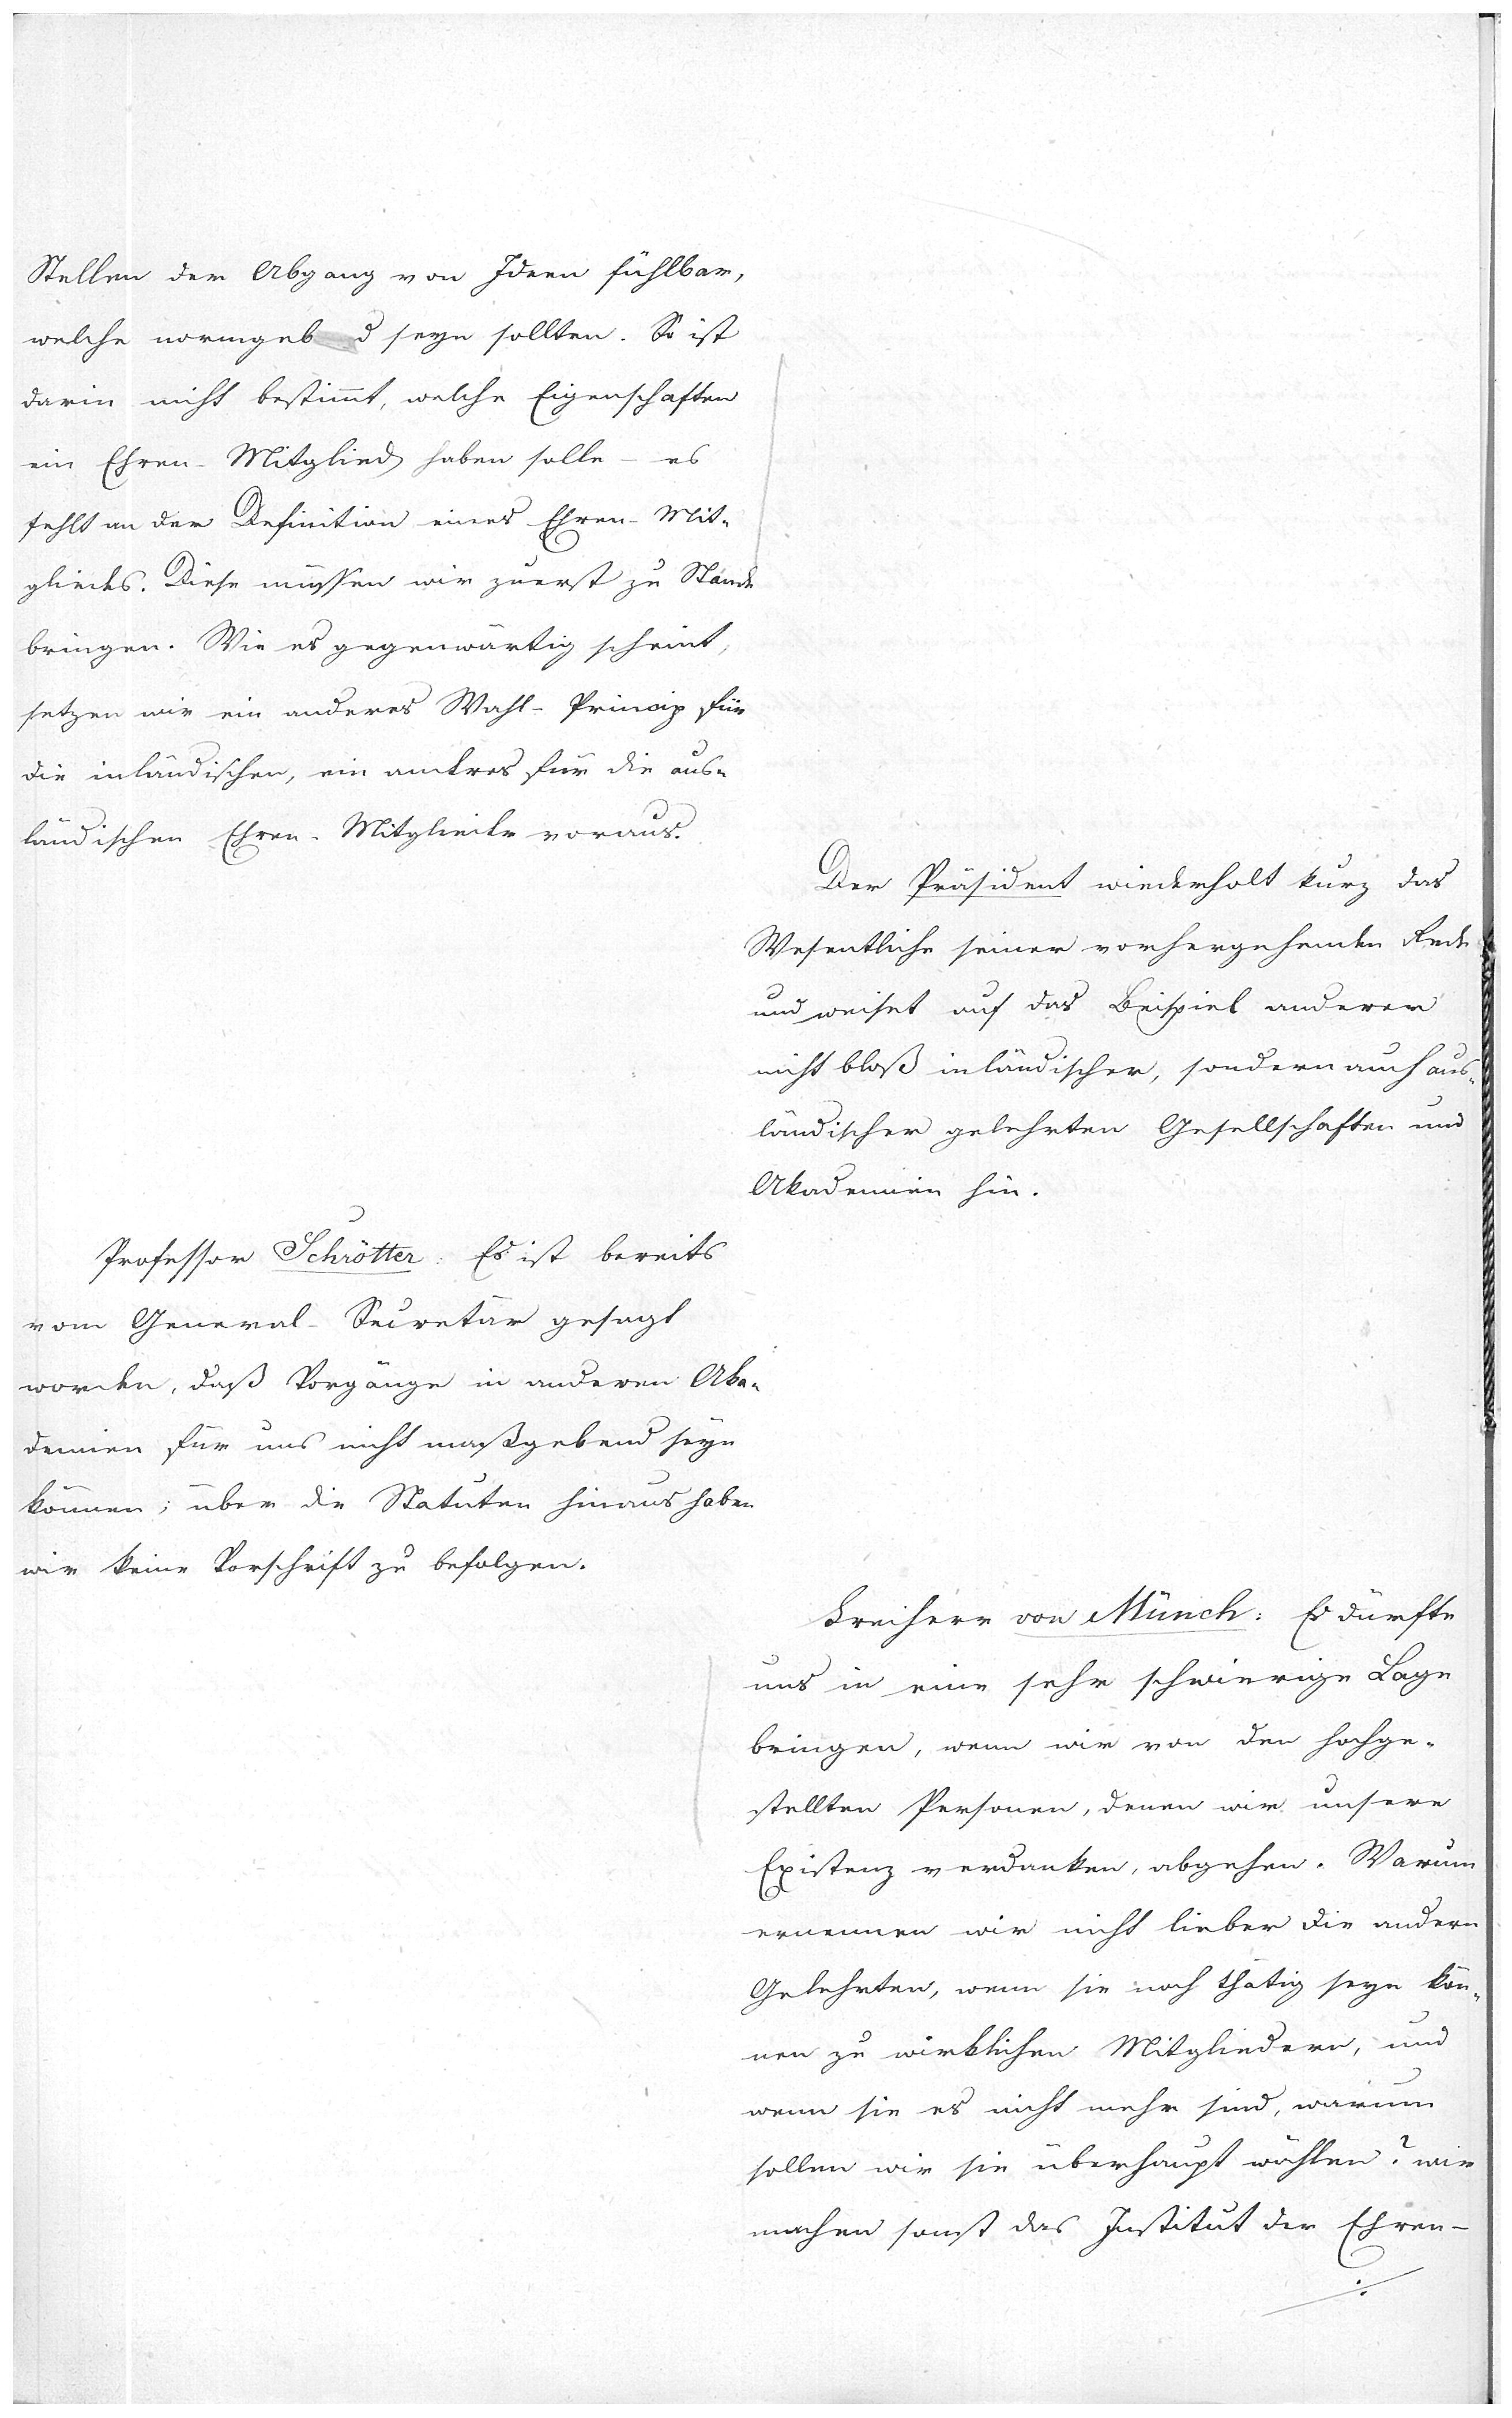Stellen der Abgang von Ideen fühlbar,
welche normgebend seyn sollten. So ist
darn nicht bestimmt, welche Eigenschaften
ein Ehren-Mitglied haben solle - es
fehlt an der Definition eines Ehren-Mit-
gliedes. Diese müssen wir zuerst zu Stande
bringen. Wie es gegenwärtig scheint,
setzen wir ein anderes Wahl-Princip für
die inländischen, ein anderes für die aus-
ländischen Ehren-Mitglieder voraus.
Der Präsident wiederholt kurz das
Wesentliche seiner vorhergehenden Rede
und weiset auf das Beispiel anderer
nicht bloß inländicher, sondern auch aus-
ländischer gelehrten Gesellschaften und
Akademien hin.
Professor Schrötter: Es ist bereits
vom General-Secretär gesagt
worden, daß Vorgänge in anderen Aka-
demien für uns nicht maßgebend seyn
können, über die Statuten hinaus haben
wir keine Vorschrift zu befolgen.
Freiherr von Münch: Es dürfte
uns in eine sehr schwierige Lage
bringen, wenn wir von den hochge-
stellten Personen, denen wir unsere
Existenz verdanken, abgehen. Warum
ernennen wir nicht lieber die andern
Gelehrten, wenn sie noch thätig seyn kön-
nen zu wirklichen Mitgliedern, und
wenn sie es nicht mehr sind, warum
sollen wir sie überhaupt wählen? Wir
machen sonst das Institut der Ehren-